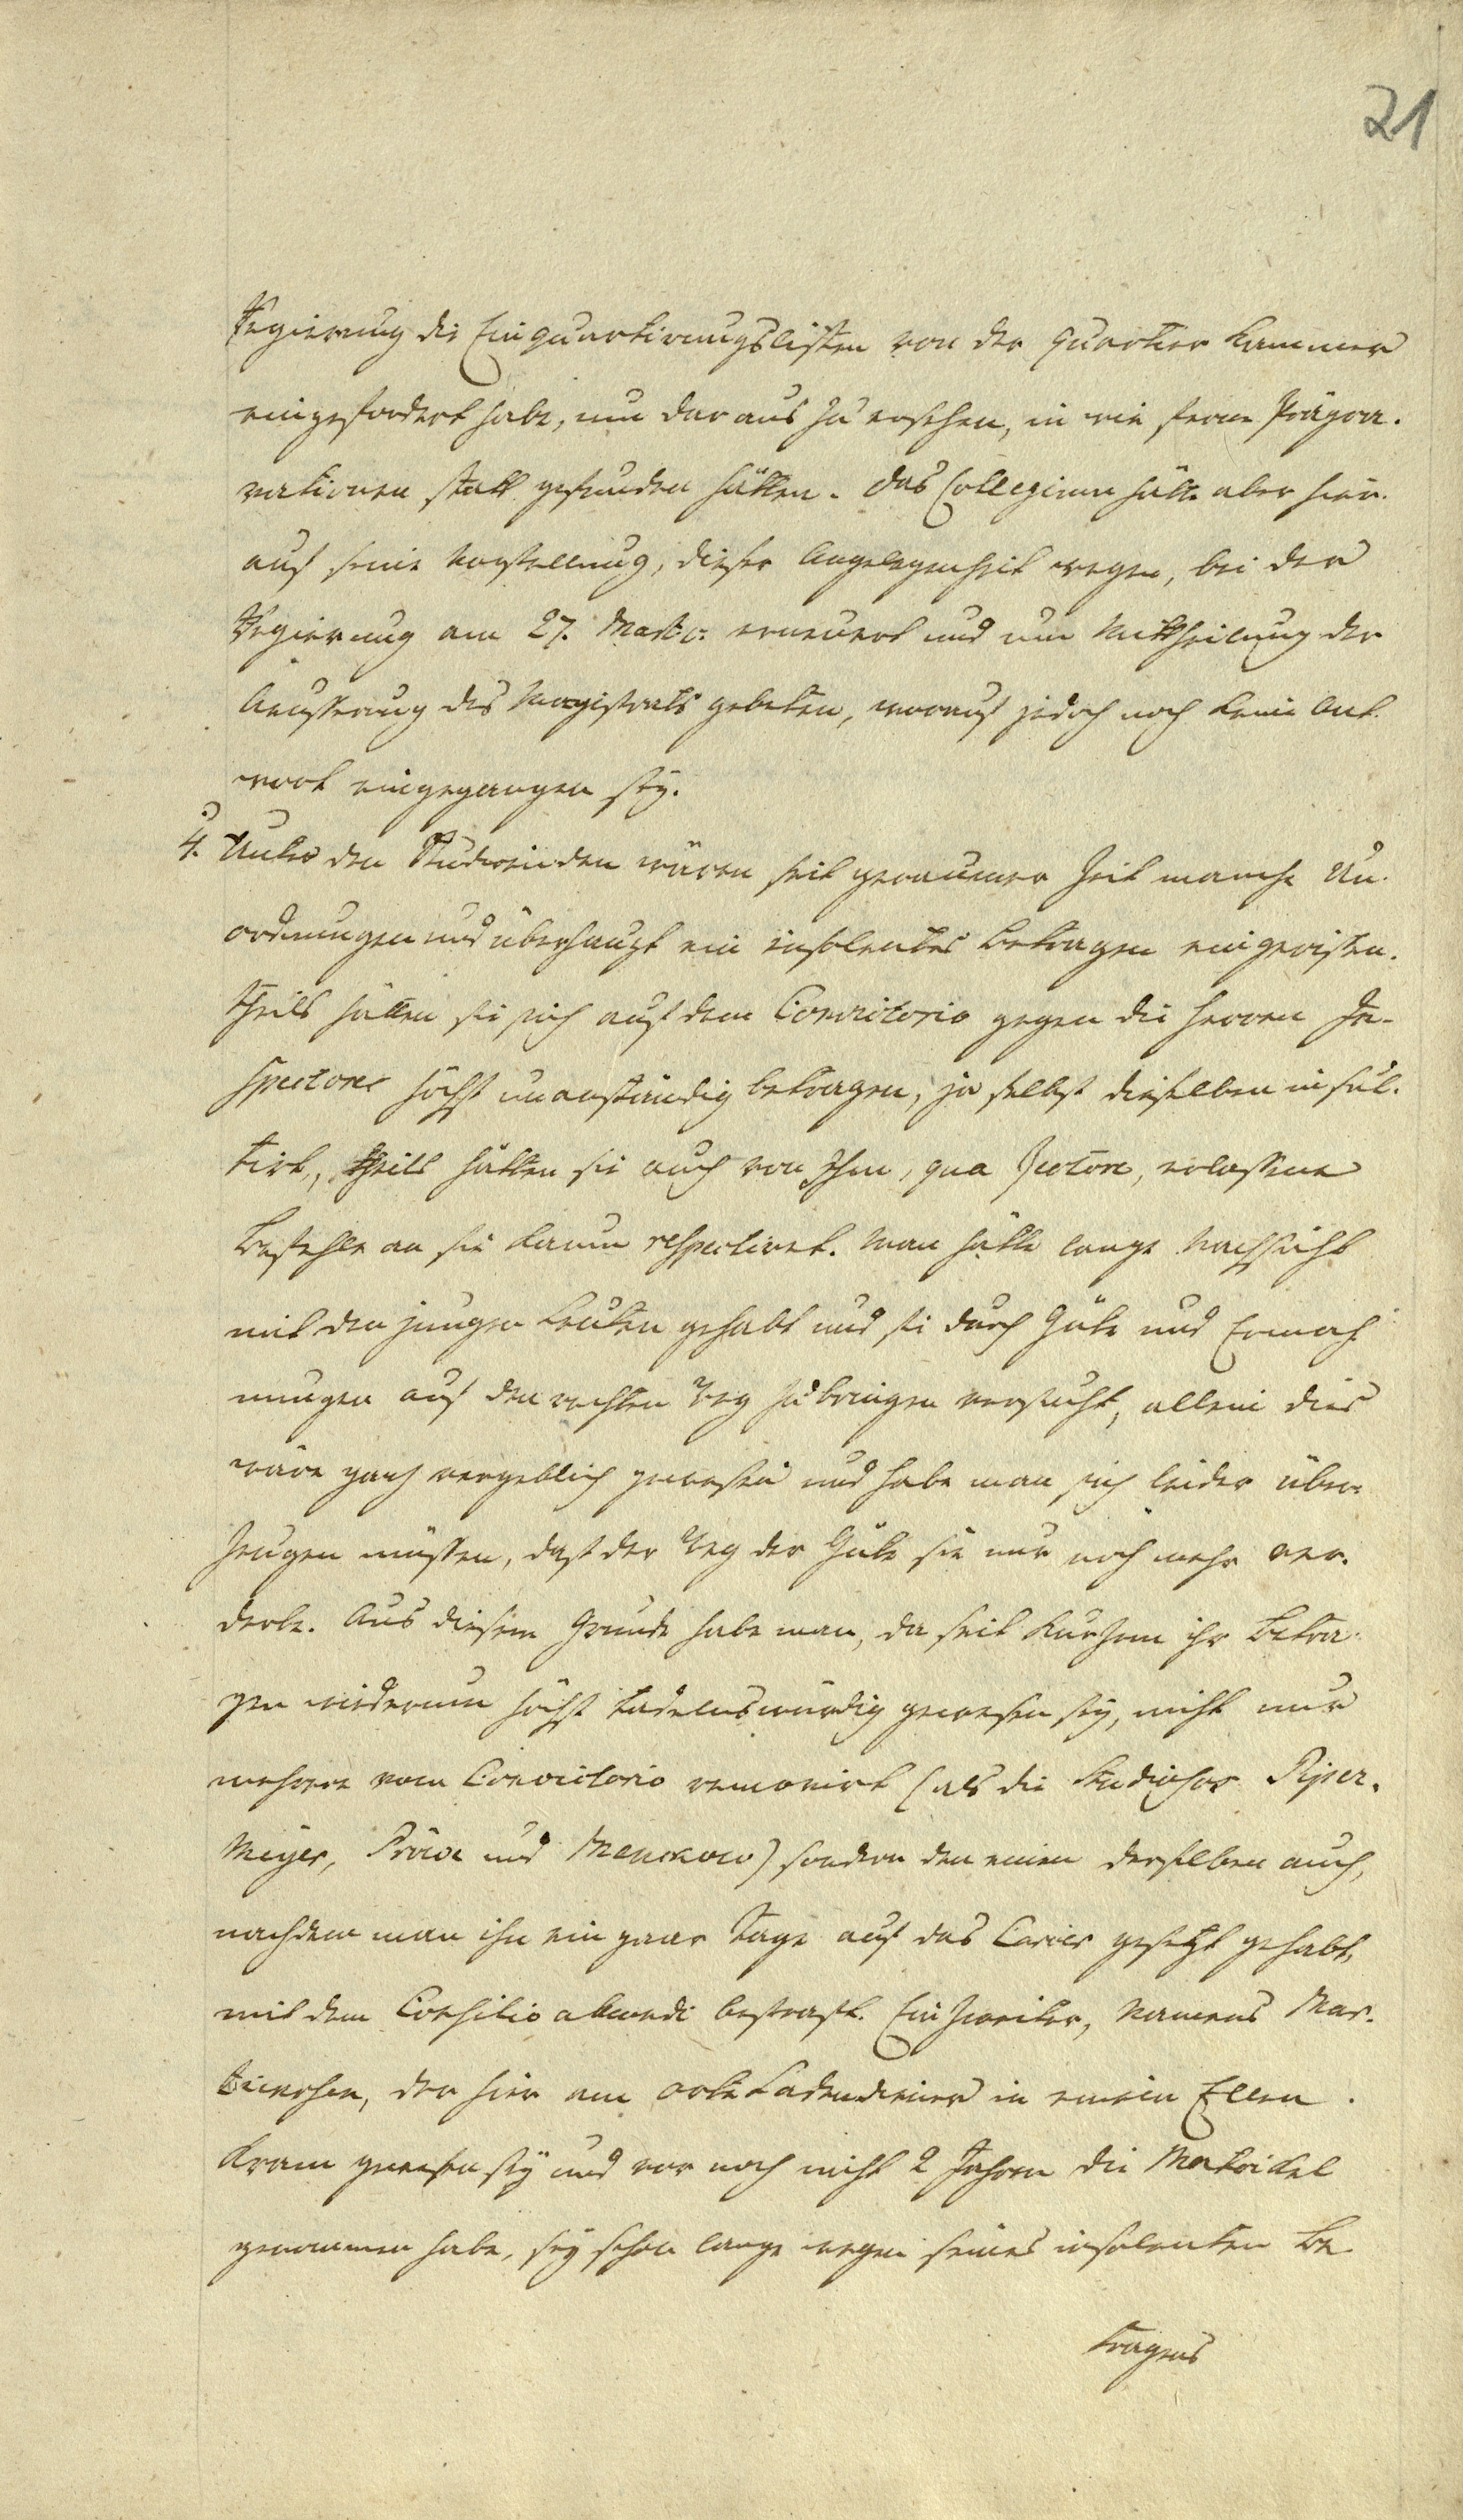Regierung die Einquartirungslisten von der Quartier kammer
eingefordert habe, um daraus zu ersehen, in wie ferne Präpra¬
rationen statt gefunden hätten. Das Collegium hätte aber hier¬
auf seine Vorstellung, dieser Angelegenheit wegen, bei der
Regierung am 27. Mart c. erneuert und um Mittheilung der
Aeusserung des Magistrats gebethen, worauf jedoch noch keine Ant¬
wort eingegangen seÿ.
4. Unter den Studirenden wären seit geraumer Zeit manche Un¬
ordnungen und überhaupt ein insolentes Betragen eingerissen.
Theils hätten sie sich auf dem Convictorio gegen die Herren In¬
spectores höchst unanständig betragen; ja selbst dieselben insul¬
tirt, theils hätten sie auch von ihm, qua Rectore, erlassene
Befehle an sie kaum respectiret. Man hätte lange Nachsicht
mit den jungen Leuen gehabt und sie durch Güte und Ermah¬
nungen auf den rechten Weg zu bringen versucht, allein dies
wäre ganz vergeblich gewesen und habe man sich leider über¬
zeugen müssen, daß der Weg der Güte sie nur noch mehr ver¬
derbe. Aus diesem Grunde habe man, da seit kurzem ihr Betra¬
gen wiederum höchst tadelnswürdig gewesen seÿ, nicht nur
mehrere vom Convictorio remonirt ( als die Studiosos Piper,
Meÿer, Präve und Menckow ) sondern den einen derselben auch,
nachdem man ihn ein paar Tage auf das Carcer gesetzt gehabt,
mit dem Consilio abeundi bestraft. Ein zweiter, Namens Mar¬
tinssen, der hier am Orte Ladendiener in einem Ellen¬
kram gewesen seÿ und vor noch nicht 2 Jahren die Matrikel
genommen habe, seÿ schon lange wegen seines insolenten Be¬
tragens